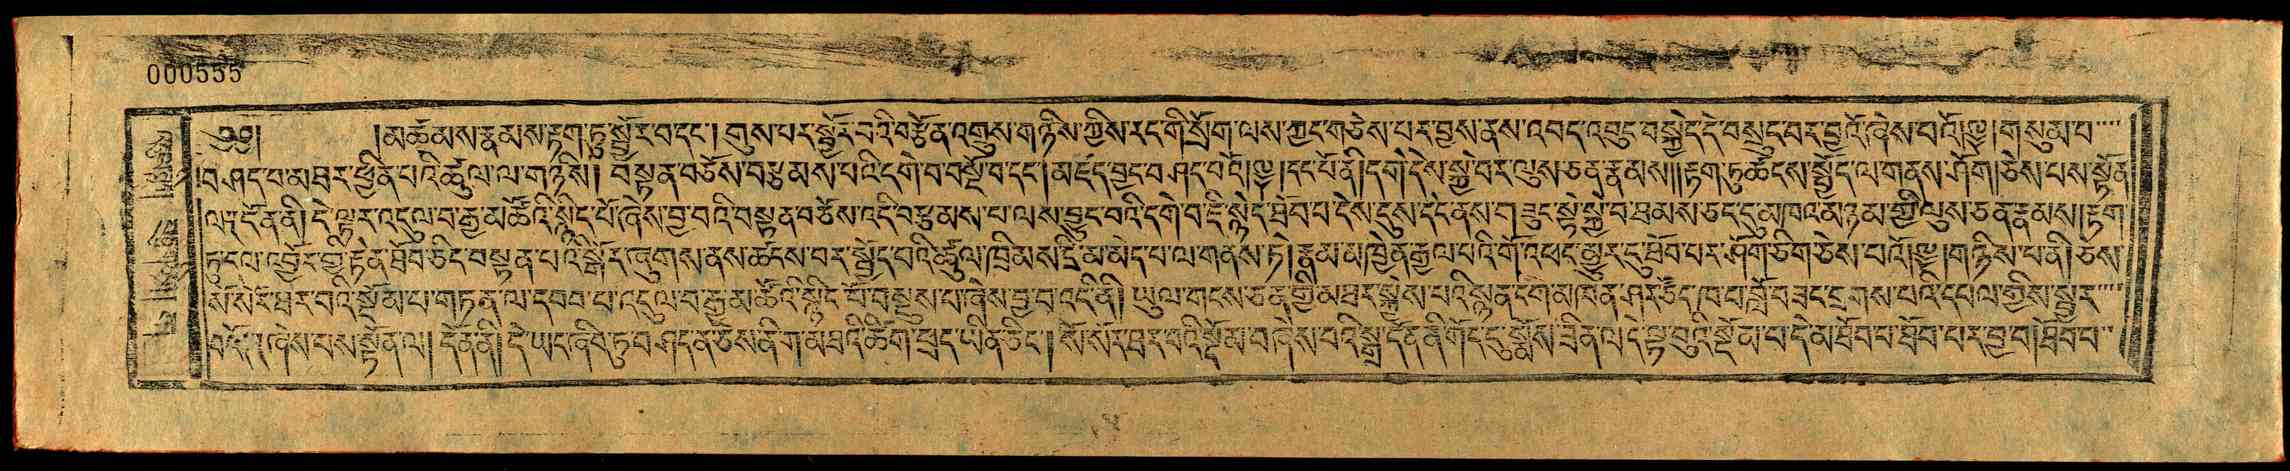༄༅། །མཚམས་རྣམས་རྟག་ཏུ་སྦྱོར་བ་དང་། གུས་པར་སྦྱོར་བའི་བརྩོན་འགྲུས་གཉིས་ཀྱིས་རང་གི་སྲོག་ལས་ཀྱང་གཅེས་པར་བྱས་ནས་འབད་འབུང་བསྐྱེད་དེ་བསྲུང་བར་བྱའོ་ཞེས་པའོ། ༈ །གསུམ་པ་
བཤད་པ་མཐར་ཕྱིན་པའི་ཚུལ་ལ་གཉིས། བསྟན་བཅོས་བརྩམས་པའི་དགེ་བ་བསྔོ་བ་དང་། མཛད་བྱང་བཤད་པའོ། ༈ །དང་པོ་ནི། དགེ་དེས་སྐྱེ་བར་ལུས་ཅན་རྣམས། །རྟག་ཏུ་ཚངས་སྤྱོད་ལ་གནས་ཤོག །ཅེས་པས་སྟོན་
ལ། དོན་ནི། དེ་ལྟར་འདུལ་བ་རྒྱ་མཚོའི་སྙིང་པོ་ཞེས་བྱ་བའི་བསྟན་བཅོས་འདི་བརྩམས་པ་ལས་བྱུང་བའི་དགེ་བ་ཇི་སྙེད་ཐོབ་པ་དེས་དུས་དེང་ནས་གཟུང་སྟེ་སྐྱེ་བ་ཐམས་ཅད་དུ་མཁའ་མཉམ་གྱི་ལུས་ཅན་རྣམས། རྟག་
ཏུ་དལ་འབྱོར་གྱི་རྟེན་ཐོབ་ཅིང་བསྟན་པའི་སྒོར་ཞུགས་ནས་ཚངས་པར་སྤྱོད་པའི་ཚུལ་ཁྲིམས་དྲི་མ་མེད་པ་ལ་གནས་ཏེ། རྣམ་མཁྱེན་རྒྱལ་བའི་གོ་འཕང་མྱུར་དུ་ཐོབ་པར་ཤོག་ཅིག་ཅེས་པའོ། ༈ །གཉིས་པ་ནི། ཅེས་
སོ་སོར་ཐར་པའི་སྡོམ་པ་གཏན་ལ་དབབ་པ་འདུལ་བ་རྒྱ་མཚོའི་སྙིང་པོ་བསྡུས་པ་ཞེས་བྱ་བ་འདི་ནི། ཡུལ་གངས་ཅན་གྱི་མཐར་སྐྱེས་པའི་སྙན་ངག་མཁན་ཤར་ཙོང་ཁ་པ་བློ་བཟང་གྲགས་པའི་དཔལ་གྱིས་སྦྱར་
བའོ། །ཞེས་པས་སྟོན་ལ། དོན་ནི། དེ་ཡང་ཞིབ་ཏུ་བཤད་ན་ཅེས་ནི་ག་མཐའི་ཚིག་ཕྲད་ཡིན་ཅིང་། སོ་སོར་ཐར་པའི་སྡོམ་པ་ཞེས་པའི་སྒྲ་དོན་ནི་གོང་དུ་སྨོས་ཟིན་ལ་དེ་ལྟ་བུའི་སྡོམ་པ་དེ་མ་ཐོབ་པ་ཐོབ་པར་བྱ་བ། ཐོབ་པ་